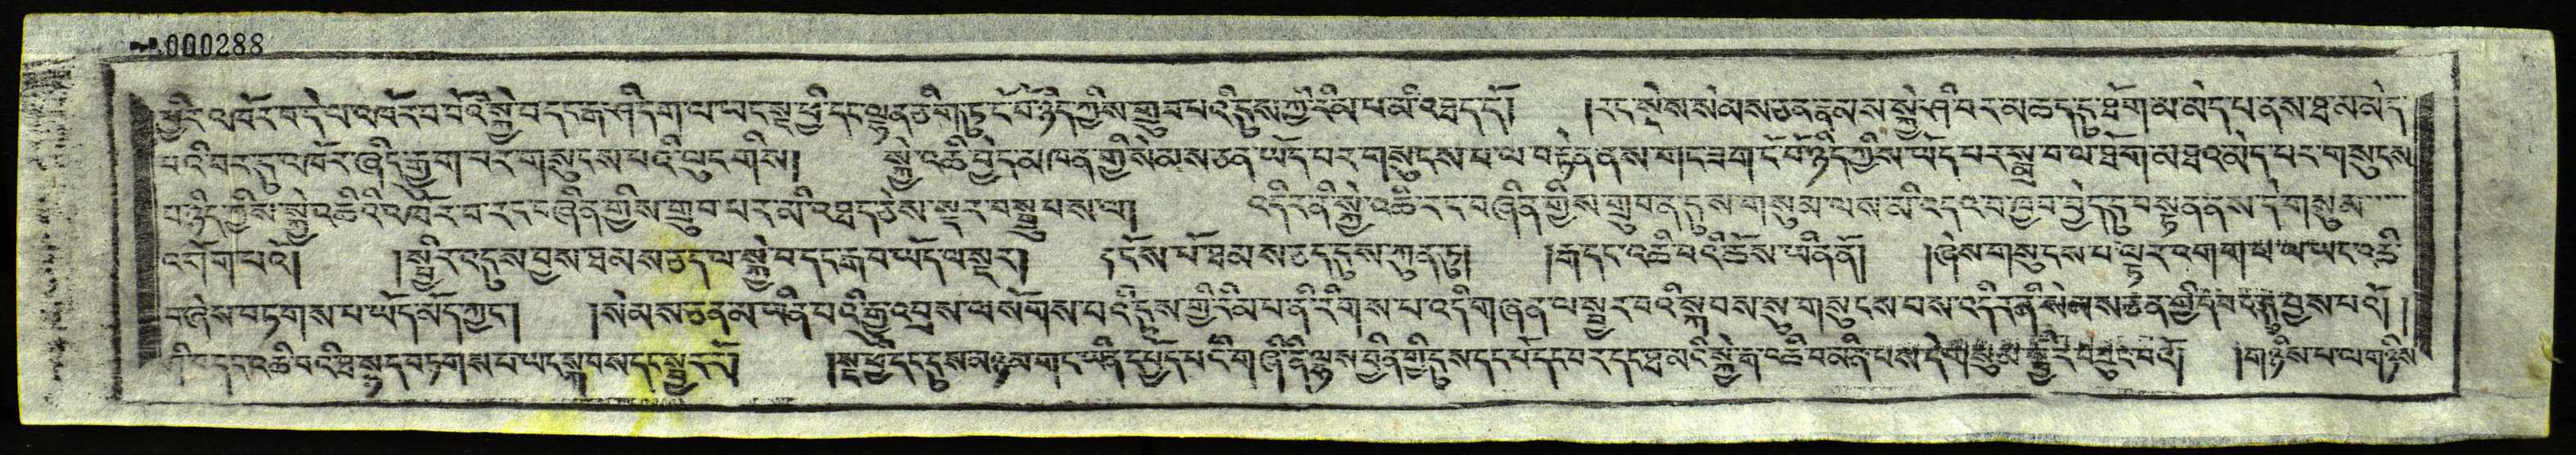ཕྱིར་འཁོར་བ་དེ་ལ་འཁོར་བ་པོའི་སྐྱེ་བ་དང་རྒ་ཤི་དག་ལ་ཡང་སྔ་ཕྱི་དང་ལྷན་ཅིག་ཏུ་ངོ་བོ་ཉིད་ཀྱིས་གྲུབ་པའི་དུས་ཀྱི་རིམ་པ་མི་འཐད་དོ། །རང་སྡེས་སེམས་ཅན་རྣམས་སྐྱེ་ཤི་བར་མ་ཆད་དུ་ཐོག་མ་མེད་པ་ནས་ཐ་མ་མེད་
པའི་བར་དུ་འཁོར་ཞིང་རྒྱུག་བར་གསུངས་པའི་ལུང་གིས། སྐྱེ་འཆི་བྱེད་མཁན་གྱི་སེམས་ཅན་ཡོད་པར་གསུངས་པ་ལ་བརྟེན་ནས་གང་ཟག་ངོ་བོ་ཉིད་ཀྱིས་ཡོད་པར་སྨྲ་བ་ལ་ཐོག་མཐའ་མེད་པར་གསུངས་
པ་ཉིད་ཀྱིས་སྐྱེ་འཆིའི་འཁོར་བ་རང་བཞིན་གྱིས་གྲུབ་པར་མི་འཐད་ཅེས་སྔར་བསྒྲུབས་ལ། འདིར་ནི་སྐྱེ་འཆི་རང་བཞིན་གྱིས་གྲུབ་ན་དུས་གསུམ་ལས་མི་འདའ་བ་ཁྱབ་བྱེད་དུ་བསྟན་ནས་དེ་གསུམ་
འགོག་པའོ། །སྤྱིར་འདུས་བྱས་ཐམས་ཅད་ལ་སྐྱེ་བ་དང་རྒ་བ་ཡོད་ལ་སྔར། དངོས་པོ་ཐམས་ཅད་དུས་ཀུན་ཏུ། །རྒ་དང་འཆི་བའི་ཆོས་ཡིན་ནོ། །ཞེས་གསུངས་པ་ལྟར་འགག་པ་ལ་ཡང་འཆི་
བ་ཞེས་བཏགས་པ་ཡོད་མོད་ཀྱང་། །སེམས་ཅན་མ་ཡིན་པའི་རྒྱུ་འབྲས་ལ་སོགས་པའི་དུས་གྱི་རིམ་པ་ནི་རིགས་པ་འདི་གཞན་ལ་སྦྱར་བའི་སྐབས་སུ་གསུངས་པས་འདིར་ནི་སེམས་ཅན་གྱི་དབང་དུ་བྱས་པའོ། །
ཤི་བ་དང་འཆི་བའི་ཐ་སྙད་བཏགས་པ་ཡང་སྐབས་དང་སྦྱར་རོ། །སྔ་ཕྱི་དང་དུས་མཉམ་གང་ཡིན་དཔྱོད་པའི་གཞི་ནི་ལྷས་བྱིན་གྱི་དུས་དང་པོ་དང་བར་དང་ཐ་མའི་སྐྱེ་རྒ་འཆི་བ་མིན་པས་དེ་གསུམ་སྦྱར?་བཟུང་བའོ། །གཉིས་པ་ལ་གཉིས་